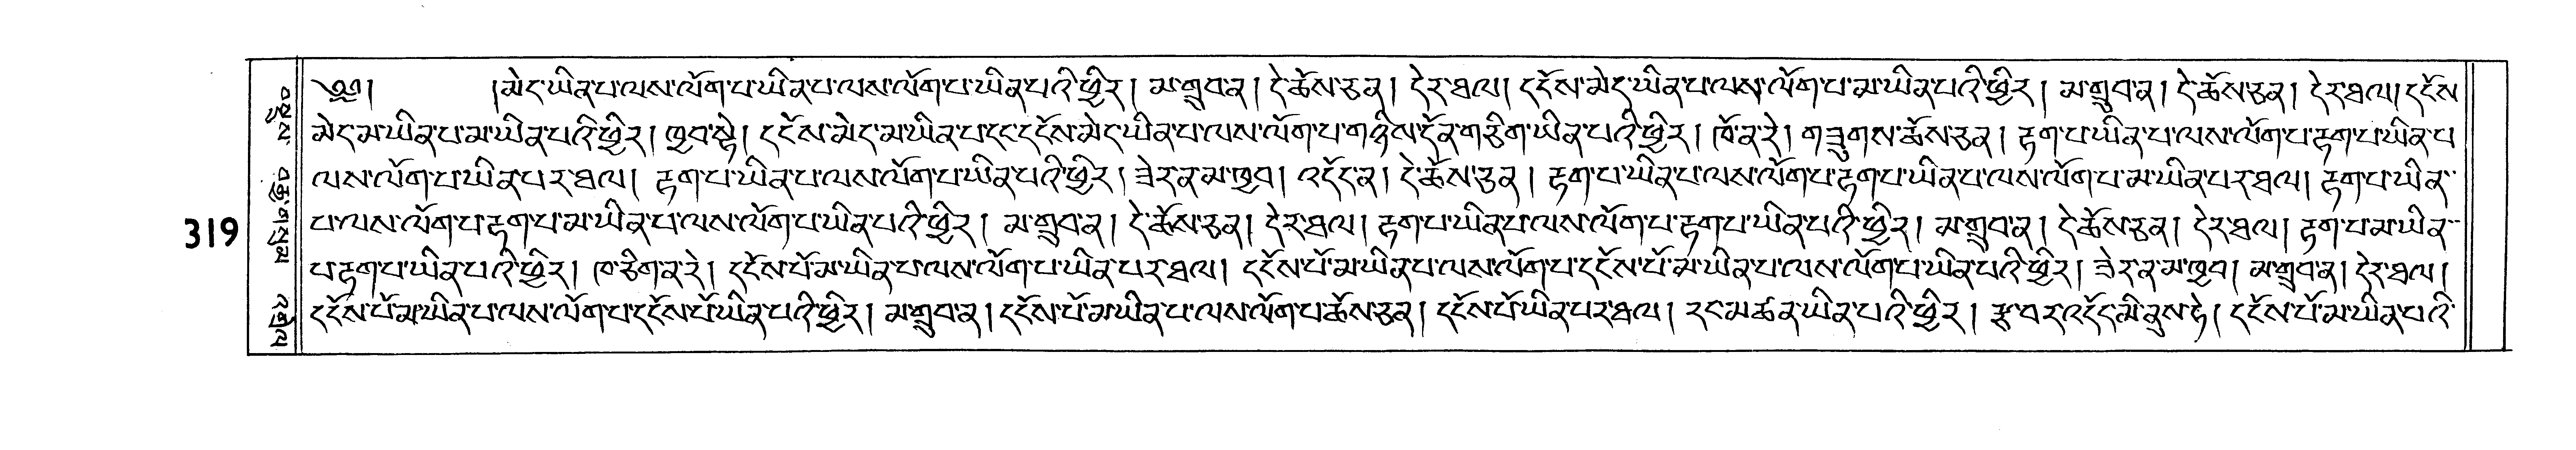༄༅། །མེད་ཡིན་པ་ལས་ལོག་པ་ཡིན་པ་ལས་ལོག་པ་ཡིན་པའི་ཕྱིར། མ་གྲུབ་ན། དེ་ཆོས་ཅན། དེར་ཐལ། དངོས་མེད་ཡིན་པ་ལས་ལོག་པ་མ་ཡིན་པའི་ཕྱིར། མ་གྲུབ་ན། དེ་ཆོས་ཅན། དེར་ཐལ། དངོས་
མེད་མ་ཡིན་པ་མ་ཡིན་པའི་ཕྱིར། ཁྱབ་སྟེ། དངོས་མེད་མ་ཡིན་པ་དང་དངོས་མེད་ཡིན་པ་ལས་ལོག་པ་གཉིས་དོན་གཅིག་ཡིན་པའི་ཕྱིར། ཁོ་ན་རེ། གཟུགས་ཆོས་ཅན། རྟག་པ་ཡིན་པ་ལས་ལོག་པ་རྟག་པ་ཡིན་པ་
ལས་ལོག་པ་ཡིན་པར་ཐལ། རྟག་པ་ཡིན་པ་ལས་ལོག་པ་ཡིན་པའི་ཕྱིར། ཟེར་ན་མ་ཁྱབ། འདོད་ན། དེ་ཆོས་ཅན། རྟག་པ་ཡིན་པ་ལས་ལོག་པ་རྟག་པ་ཡིན་པ་ལས་ལོག་པ་མ་ཡིན་པར་ཐལ། རྟག་པ་ཡིན་
པ་ལས་ལོག་པ་རྟག་པ་མ་ཡིན་པ་ལས་ལོག་པ་ཡིན་པའི་ཕྱིར། མ་གྲུབ་ན། དེ་ཆོས་ཅན། དེར་ཐལ། རྟག་པ་ཡིན་པ་ལས་ལོག་པ་རྟག་པ་ཡིན་པའི་ཕྱིར། མ་གྲུབ་ན། དེ་ཆོས་ཅན། དེར་ཐལ། རྟག་པ་མ་ཡིན་
པ་རྟག་པ་ཡིན་པའི་ཕྱིར། ཁ་ཅིག་ན་རེ། དངོས་པོ་མ་ཡིན་པ་ལས་ལོག་པ་ཡིན་པར་ཐལ། དངོས་པོ་མ་ཡིན་པ་ལས་ལོག་པ་དངོས་པོ་མ་ཡིན་པ་ལས་ལོག་པ་ཡིན་པའི་ཕྱིར། ཟེར་ན་མ་ཁྱབ། མ་གྲུབ་ན། དེར་ཐལ།
དངོས་པོ་མ་ཡིན་པ་ལས་ལོག་པ་དངོས་པོ་ཡིན་པའི་ཕྱིར། མ་གྲུབ་ན། དངོས་པོ་མ་ཡིན་པ་ལས་ལོག་པ་ཆོས་ཅན། དངོས་པོ་ཡིན་པར་ཐལ། རང་མཚན་ཡིན་པའི་ཕྱིར། རྩ་བར་འདོད་མི་ནུས་ཏེ། དངོས་པོ་མ་ཡིན་པའི་